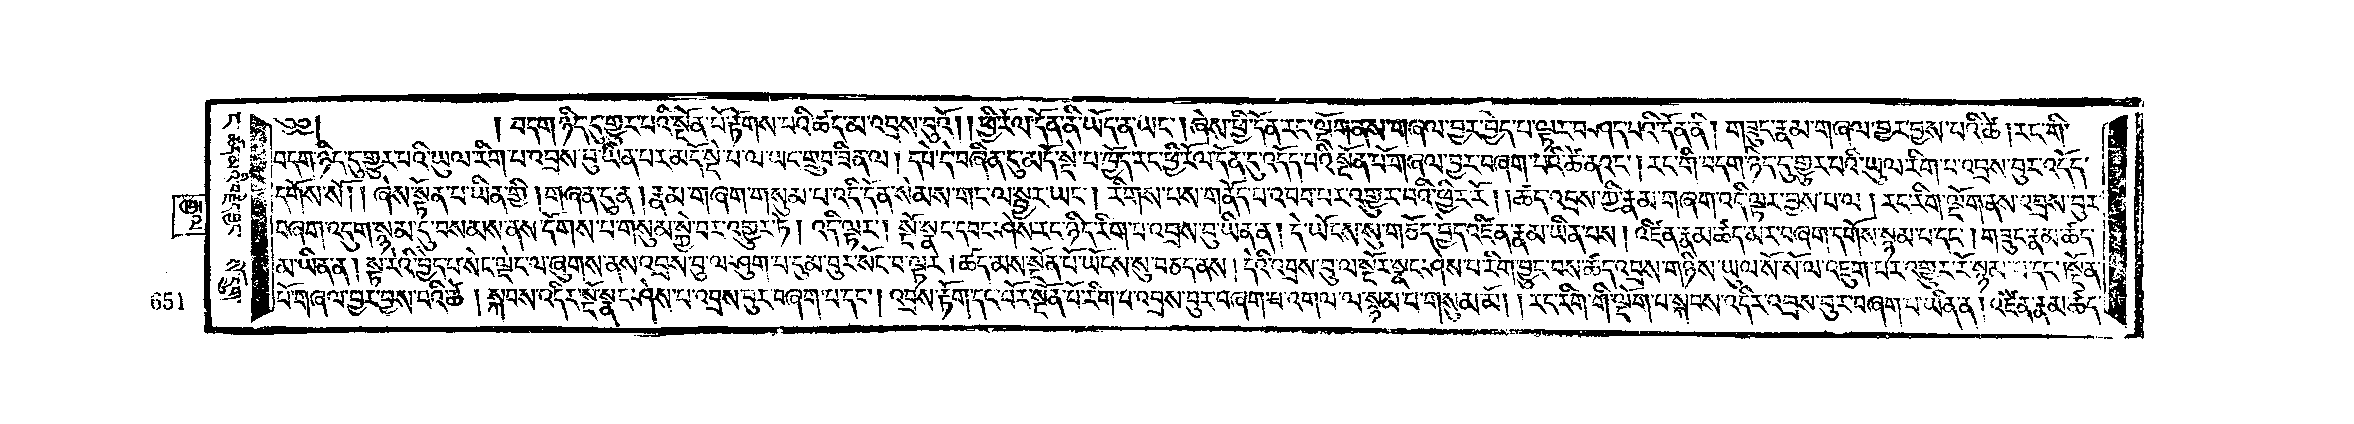༄༅། །བདག་ཉིད་དུ་གྱུར་པའི་སྔོན་པོ་རྟོགས་པའི་ཚད་མ་འབྲས་བུའོ། །ཕྱིར་རོལ་དོན་ནི་ཡོད་ན་ཡང་། ཞེས་ཕྱི་དོན་རང་ལྡོག་ནས་གཞལ་བྱར་བྱེད་པ་ལྟར་བཤད་པའི་དོན་ནི། །གཟུང་རྣམ་གཞལ་བྱར་བྱས་པའི་ཚེ། རང་གི་
བདག་ཉིད་དུ་གྱུར་པའི་ཡུལ་རིག་པ་འབྲས་བུ་ཡིན་པར་མདོ་སྡེ་པ་ལ་ཡང་གྲུབ་ཟིན་ལ། དཔེ་དེ་བཞིན་དུ་མདོ་སྡེ་པ་ཁྱོད་རང་ཕྱི་རོལ་དོན་དུ་འདོད་པའི་སྔོན་པོ་གཞལ་བྱར་བཞག་པའི་ཚེ་ནའང་། རང་གི་བདག་ཉིད་དུ་གྱུར་པའི་ཡུལ་རིག་པ་འབྲས་བུར་འདོད་
དགོས་སོ། །ཞེས་སྟོན་པ་ཡིན་གྱི་།གཞན་དུ་ན། རྣམ་གཞག་གསུམ་པ་འདི་དོན་སེམས་གང་ལ་སྦྱར་ཡང་། རིགས་པས་གནོད་པ་འབབ་པར་འགྱུར་བའི་ཕྱིར་རོ། །ཚད་འབྲས་ཀྱི་རྣམ་གཞག་འདི་ལྟར་བྱས་པ་ལ། རང་རིག་ལྡོག་ནས་འབྲས་བུར་
བཞག་འདུག་སྙམ་དུ་བསམས་ནས་དོགས་པ་གསུམ་སྐྱེ་བར་འགྱུར་ཏེ། འདི་ལྟར། སྔོན་སྔོ་སྣང་དབང་ཤེས་རང་ཉིད་རིག་པ་འབྲས་བུ་ཡིན་ན། དེ་ཡོང་སུས་གཅོད་བྱེད་འཛིན་རྣམ་ཡིན་པས། འཛིན་རྣམ་ཚད་མར་བཞག་དགོས་སྙམ་པ་དང་། གཟུང་རྣམ་ཚད་
མ་ཡིན་ན། སྟ་རེའི་བྱེད་པ་སེང་ལྡེང་ལ་ཞུགས་ནས་འབྲས་བུ་ལ་ཤུག་པ་དུམ་བུར་སོང་བ་ལྟར། ཚད་མས་སྔོན་པོ་ཡོངས་སུ་བཅད་ནས། དེའི་འབྲས་བུ་ལ་སྔོར་སྣང་ཤེས་པ་རིག་བྱུང་བས་ཚད་འབྲས་གཉིས་ཡུལ་སོ་སོ་ལ་འཇུག་པར་འགྱུར་རོ་སྙམ་པ་དང་། སྔོན་
པོ་གཞལ་བྱར་བྱས་པའི་ཚེ། སྐབས་འདིར་སྔོ་སྣང་ཤེས་པ་འབྲས་བུར་བཞག་པ་དང་། འབྲས་རྟོག་དང་པོར་སྔོག་པོ་རིག་པ་འབྲས་བུར་བཞག་པ་འགལ་ལ་སྙམ་པ་གསུམ་མོ། །རང་རིག་གི་ལྡོག་པ་སྐབས་འདིར་འབྲས་བུར་བཞག་པ་ཡིན་ན། འཛིན་རྣམ་ཚད་